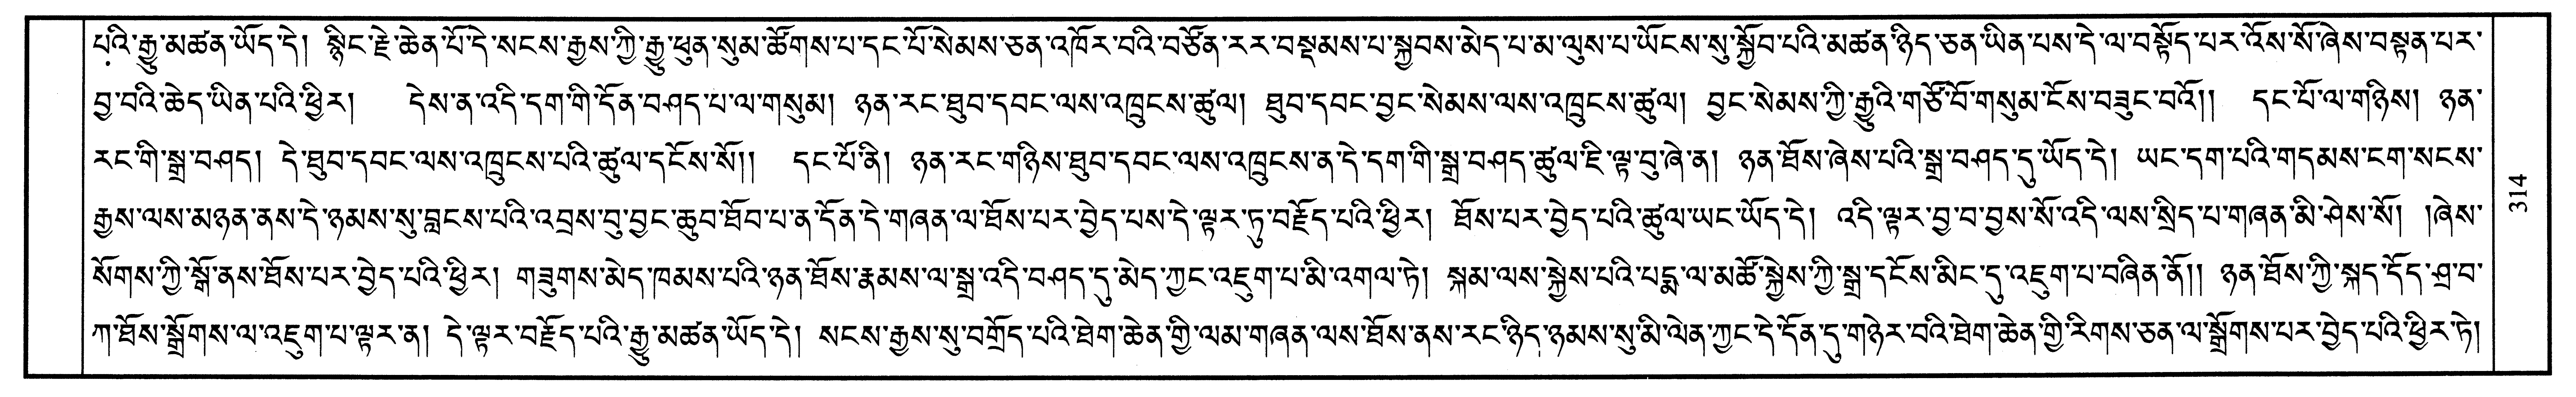པའི་རྒྱུ་མཚན་ཡོད་དེ། སྙིང་རྗེ་ཆེན་པོ་དེ་སངས་རྒྱས་ཀྱི་རྒྱུ་ཕུན་སུམ་ཚོགས་པ་དང་པོ་སེམས་ཅན་འཁོར་བའི་བཙོན་རར་བསྡམས་པ་སྐྱབས་མེད་པ་མ་ལུས་པ་ཡོངས་སུ་སྐྱོབ་པའི་མཚན་ཉིད་ཅན་ཡིན་པས་དེ་ལ་བསྟོད་པར་འོས་སོ་ཞེས་བསྟན་པར་
བྱ་བའི་ཆེད་ཡིན་པའི་ཕྱིར། དེས་ན་འདི་དག་གི་དོན་བཤད་པ་ལ་གསུམ། ཉན་རང་ཐུབ་དབང་ལས་འཁྲུངས་ཚུལ། ཐུབ་དབང་བྱང་སེམས་ལས་འཁྲུངས་ཚུལ། བྱང་སེམས་ཀྱི་རྒྱུའི་གཙོ་བོ་གསུམ་ངོས་བཟུང་བའོ།། དང་པོ་ལ་གཉིས། ཉན་
རང་གི་སྒྲ་བཤད། དེ་ཐུབ་དབང་ལས་འཁྲུངས་པའི་ཚུལ་དངོས་སོ།། དང་པོ་ནི། ཉན་རང་གཉིས་ཐུབ་དབང་ལས་འཁྲུངས་ན་དེ་དག་གི་སྒྲ་བཤད་ཚུལ་ཇི་ལྟ་བུ་ཞེ་ན། ཉན་ཐོས་ཞེས་པའི་སྒྲ་བཤད་དུ་ཡོད་དེ། ཡང་དག་པའི་གདམས་ངག་སངས་
རྒྱས་ལས་མཉན་ནས་དེ་ཉམས་སུ་བླངས་པའི་འབྲས་བུ་བྱང་ཆུབ་ཐོབ་པ་ན་དོན་དེ་གཞན་ལ་ཐོས་པར་བྱེད་པས་དེ་ལྟར་ཏུ་བརྗོད་པའི་ཕྱིར། ཐོས་པར་བྱེད་པའི་ཚུལ་ཡང་ཡོད་དེ། འདི་ལྟར་བྱ་བ་བྱས་སོ་འདི་ལས་སྲིད་པ་གཞན་མི་ཤེས་སོ། །ཞེས་
སོགས་ཀྱི་སྒོ་ནས་ཐོས་པར་བྱེད་པའི་ཕྱིར། གཟུགས་མེད་ཁམས་པའི་ཉན་ཐོས་རྣམས་ལ་སྒྲ་འདི་བཤད་དུ་མེད་ཀྱང་འཇུག་པ་མི་འགལ་ཏེ། སྐམ་ལས་སྐྱེས་པའི་པདམ་ལ་མཚོ་སྐྱེས་ཀྱི་སྒྲ་དངོས་མིང་དུ་འཇུག་པ་བཞིན་ནོ།། ཉན་ཐོས་ཀྱི་སྐད་དོད་ཤྲ་བ་
ཀ་ཐོས་སྒྲོགས་ལ་འཇུག་པ་ལྟར་ན། དེ་ལྟར་བརྗོད་པའི་རྒྱུ་མཚན་ཡོད་དེ། སངས་རྒྱས་སུ་བགྲོད་པའི་ཐེག་ཆེན་གྱི་ལམ་གཞན་ལས་ཐོས་ནས་རང་ཉིད་ཉམས་སུ་མི་ལེན་ཀྱང་དེ་དོན་དུ་གཉེར་བའི་ཐེག་ཆེན་གྱི་རིགས་ཅན་ལ་སྒྲོགས་པར་བྱེད་པའི་ཕྱིར་ཏེ།